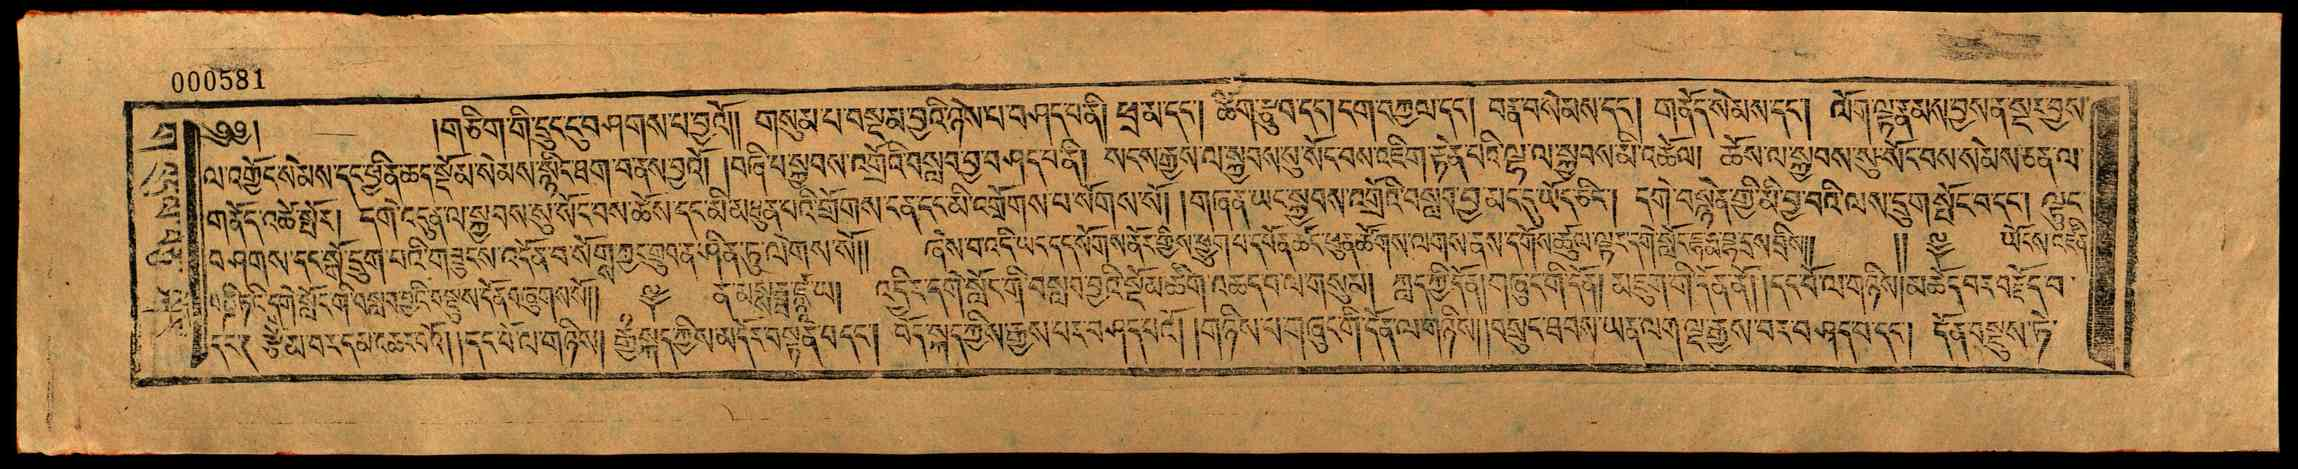༄༅། །གཅིག་གི་དྲུང་དུ་བཤགས་པ་བྱའོ། །གསུམ་པ་བསྡམ་པའི་ཉེས་པ་བཤད་པ་ནི། ཕྲ་མ་དང་། ཚིག་རྩུབ་དང་། ངག་བཀྱལ་དང་། བརྣབ་སེམས་དང་། གནོད་སེམས་དང་། ལོག་ལྟ་རྣམས་བྱས་ན་སྔར་བྱས་
ལ་འགྱོད་སེམས་དང་ཕྱིན་ཆད་སྡོམ་སེམས་སྙིང་ཐག་པ་ནས་བྱའོ། །བཞི་པ་སྐྱབས་འགྲོའི་བསླབ་བྱ་བཤད་པ་ནི། སངས་རྒྱས་ལ་སྐྱབས་སུ་སོང་བས་འཇིག་རྟེན་པའི་ལྷ་ལ་སྐྱབས་མི་འཆོལ། ཆོས་ལ་སྐྱབས་སུ་སོང་བས་སེམས་ཅན་ལ་
གནོད་འཚེ་སྤོང་། དགེ་འདུན་ལ་སྐྱབས་སུ་སོང་བས་ཆོས་དང་མི་མཐུན་པའི་གྲོགས་ངན་དང་མི་འགྲོགས་པ་སོགས་སོ། །གཞན་ཡང་སྐྱབས་འགྲོའི་བསླབ་བྱ་མང་དུ་ཡོད་ཅིང་། དགེ་བསྙེན་གྱི་མི་བྱ་བའི་ལས་དྲུག་སྤང་བ་དང་། ལྟུང་
བཤགས་དང་སྒོ་དྲུག་པའི་གཟུངས་འདོན་པ་སོགས་ཀྱང་གྲུབ་ན་ཤིན་ཏུ་ལེགས་སོ།། ཞེས་པ་འདི་ཡང་རང་སོགས་ནོར་གྱིས་ཕྱག་དེ་དཔོན་ཚང་ཕུན་ཚོགས་ལགས་ནས་དགོས་ཚུལ་ལྟར་དགེ་སློང་དྷརྨ་བྷ་དྲས་བྲིས།། །། ༈ ཡོངས་འཛིན་
པཎྜི་ཏའི་དགེ་སློང་གི་བསླབ་བྱའི་བསྡུས་དོན་བཞུགས་སོ།། ༈ ན་མས་?་སརྦ་རྦྦ་ཛྙཱ་ཡ། འདིར་དགེ་སློང་གི་བསླབ་བྱའི་སྡོམ་ཚིག་འཆད་པ་ལ་གསུམ། ཀླད་ཀྱི་དོན། གཞུང་གི་དོན། མཇུག་གི་དོན་ནོ། །དང་པོ་ལ་གཉིས། མཆོད་པར་བརྗོད་པ་
དང་། རྩོམ་པར་དམ་འཆའ་བའོ། །དང་པོ་ལ་གཉིས། ༡་རྒྱ་སྐད་ཀྱིས་མདོར་བསྟན་པ་དང་། བོད་སྐད་ཀྱིས་རྒྱས་པར་བཤད་པའོ། །གཉིས་པ་གཞུང་གི་དོན་ལ་གཉིས། བསྲུང་ཐབས་ཡན་ལག་ལྔ་རྒྱས་པར་བཤད་པ་དང་། དོན་བསྔས་ཏེ་